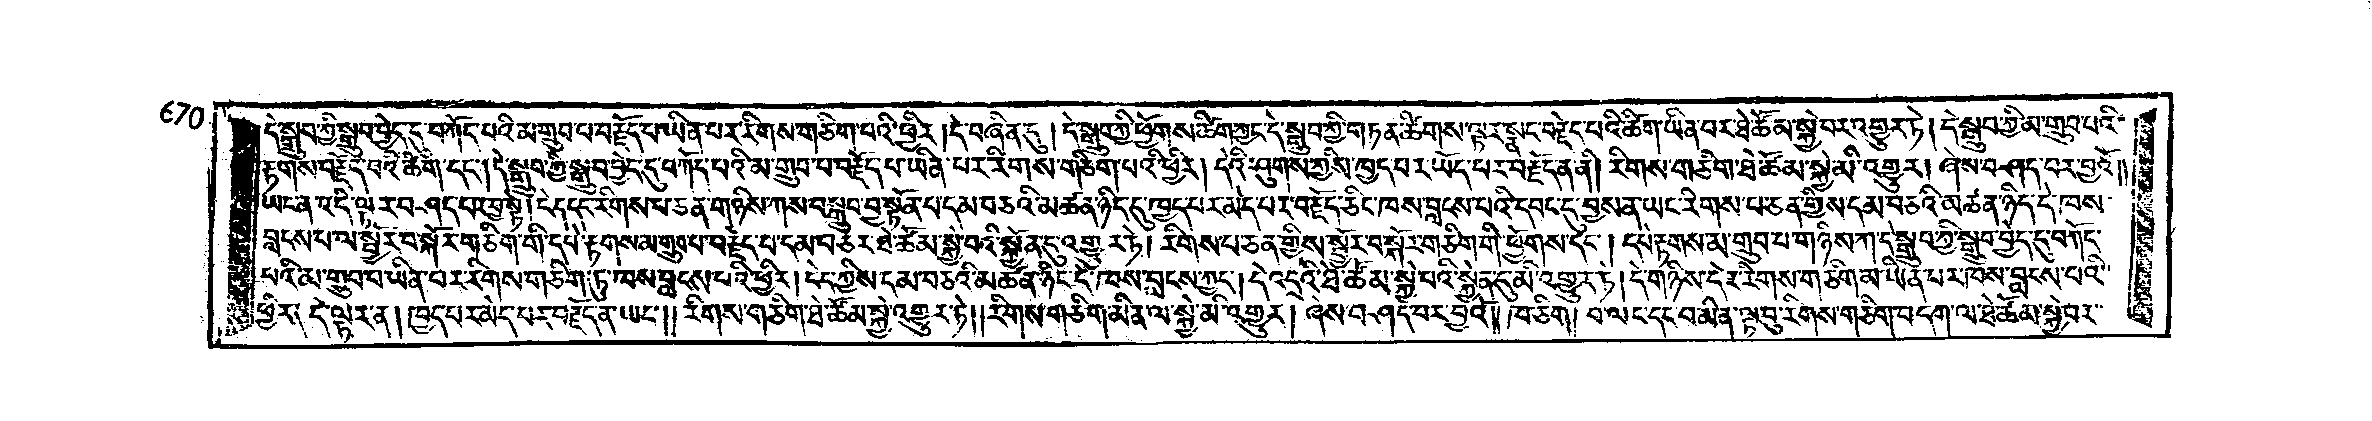དེ་སྒྲུབ་ཀྱི་སྒྲུབ་བྱེད་དུ་བཀོད་པའི་མ་གྲུབ་པ་བརྗོད་པ་ཡིན་པར་རིགས་གཅིག་པའི་ཕྱིར། དེ་བཞིན་དུ། དེ་སྒྲུབ་ཀྱི་ཕྱོགས་ཚིག་ཀྱང་དེ་སྒྲུབ་ཀྱི་གཏན་ཚིགས་ལྟར་སྣང་བརྗོད་པའི་ཚིག་ཡིན་པར་ཐེ་ཚོམ་སྐྱེ་བར་འགྱུར་ཏེ། དེ་སྒྲུབ་ཀྱི་མ་གྲུབ་པའི་
རྟགས་བརྗོད་པའི་ཚིག་དང་། དེ་སྒྲུབ་ཀྱི་སྒྲུབ་བྱེད་དུ་བཀོད་པའི་མ་གྲུབ་པ་བརྗོད་པ་ཡིན་པར་རིགས་གཅིག་པའི་ཕྱིར། དེའི་ཤུགས་ཀྱིས་ཁྱད་པར་ཡོད་པར་བརྗོད་ན་ནི། རིགས་གཅིག་ཐེ་ཚོམ་སྐྱེ་མི་འགྱུར། ཞེས་བཤད་པར་བྱའོ། །
ཡང་ན་འདི་ལྟར་བཤད་པར་བྱ་སྟེ། ངེད་དང་རིགས་པ་ཅན་གཉིས་ཀས་བསྒྲུབ་བྱ་སྟོན་པ་དམ་བཅའི་མཚན་ཉིད་དུ་ཁྱད་པར་མེད་པར་བརྗོད་ཅིང་ཁས་བླངས་པའི་དབང་དུ་བྱས་ན་ཡང་རིགས་པ་ཅན་གྱིས་དམ་བཅའི་མཚན་ཉིད་དེ་ཁས་
བླངས་པ་ལ་སྦྱོར་བ་སྐོར་གཅིག་གི་དཔེ་རྟགས་མ་གྲུབ་པ་བརྗོད་པ་དམ་བཅར་ཐེ་ཚོམ་སྐྱེ་བའི་སྐྱོན་དུ་འགྱུར་ཏེ། རིགས་པ་ཅན་གྱིས་སྦྱོར་བ་སྐོར་གཅིག་གི་ཕྱོགས་དང་། དཔེ་རྟགས་མ་གྲུབ་པ་གཉིས་ཀ་དེ་སྒྲུབ་ཀྱི་སྒྲུབ་བྱེད་དུ་བཀོད་
པའི་མ་གྲུབ་པ་ཡིན་པར་རིགས་གཅིག་ཏུ་ཁས་བླངས་པའི་ཕྱིར། ངེད་ཀྱིས་དམ་བཅའི་མཚན་ཉིད་དེ་ཁས་བླངས་ཀྱང་། དེ་འདྲའི་ཐེ་ཚོམ་སྐྱེ་བའི་སྐྱོན་དུ་མི་འགྱུར་ཏེ། དེ་གཉིས་དེར་རིགས་གཅིག་མ་ཡིན་པར་ཁས་བླངས་པའི་
ཕྱིར། དེ་ལྟར་ན། ཁྱད་པར་མེད་པར་བརྗོད་ན་ཡང་། །རིགས་གཅིག་ཐེ་ཚོམ་སྐྱེ་འགྱུར་ཏེ། །རིགས་གཅིག་མིན་ལ་སྐྱེ་མི་འགྱུར། ཞེས་བཤད་པར་བྱའོ། །ཁ་ཅིག། བ་ལང་དང་བ་མིན་ལྟ་བུ་རིགས་གཅིག་བདག་ལ་ཐེ་ཚོམ་སྐྱེ་བ་